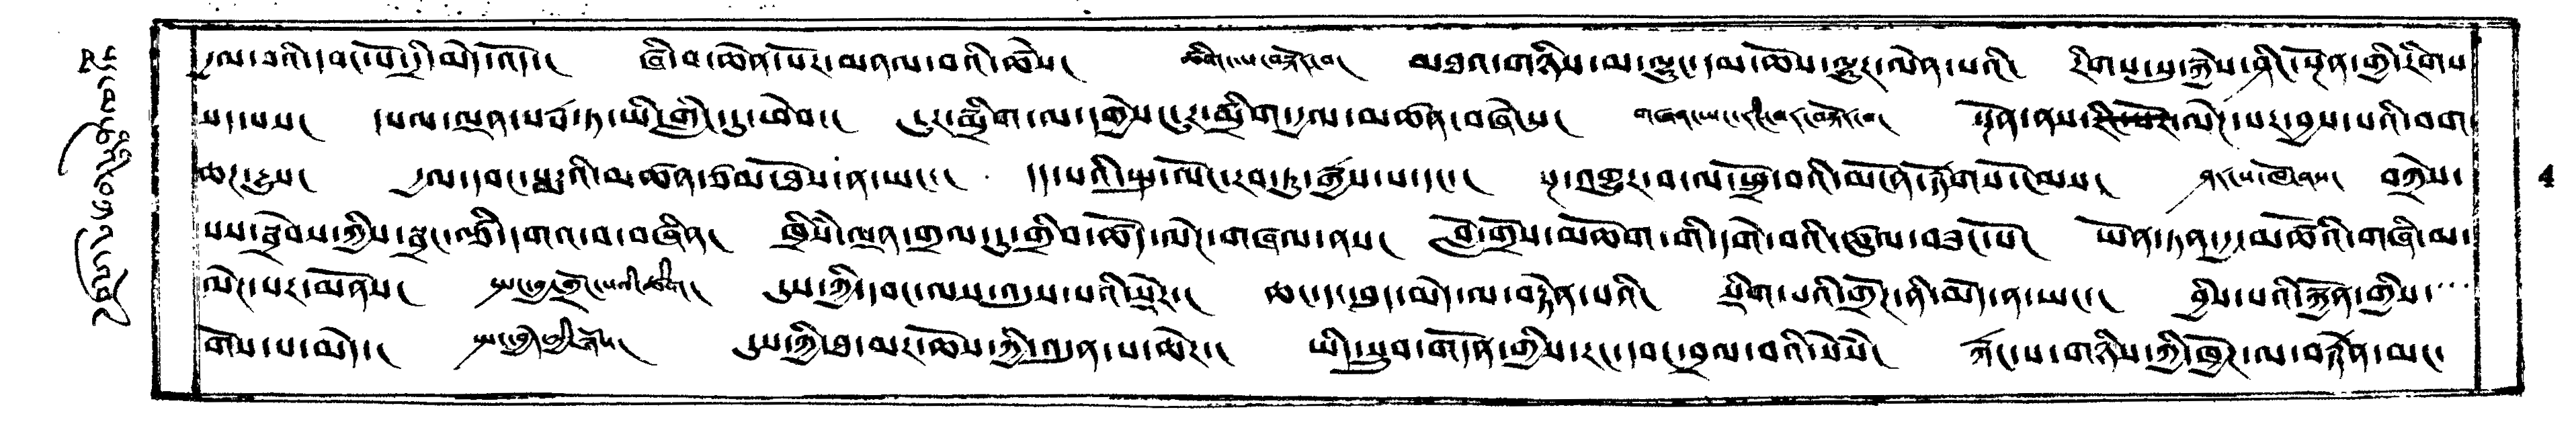རྒྱལ་བའི་དབང་པོ་དྲི་མེད་འོད། །ཞི་བ་ཆེན་པོར་མནལ་བའི་ཚེས། ། ཚིག་ལ་བསྐོར་བ། མཐའ་གཉིས་མ་ལྷུང་དམ་ཆོས་ལྷུར་ལེན་པའི། །རིགས་སུ་སྐྱེས་ཤིང་སྔོན་གྱི་རིགས་
སད་པས། །དཔལ་ལྡན་པརྤ་ཏ་ཡི་གླིང་དུ་ཕེབས། །ངུར་སྨྲིག་ལ་དགྱེས་ངུར་སྨྲིག་རྒྱལ་མཚན་བཞེས།གཞན་ཡང་རིང་བར་བསྐོར་བ། སྔོན་ནས་ལེགས་པར་བྱས་པའི་བག་
ཆགས་རྒྱུས། ། རྒྱལ་དབང་པདྨའི་མཚན་ཙམ་ཐོས་ན་ཡང་། །དད་པའི་སྤུ་ལོང་རབ་ཏུ་རྒྱས་པ་དང་། །སྔ་འགྱུར་བ་ལ་སྤྲོ་བའི་མངོན་རྟོགས་ངོམས། ། ཤར་པ་ཁོ་ནས། བཀྲེས་
པས་སྦྲེབས་ཀྱིས་སྦྲང་རྩི་དགའ་བ་བཞིན། ། ཁྲིམས་ལྡན་གྲལ་དུ་གྲིབ་ཚོད་ལེགས་གཞལ་ནས། །བློ་གྲོས་མཆོག་གི་དགེ་བའི་ཚུལ་བཟང་པོ། །ཡོན་ཏན་རྒྱ་མཚོའི་གཞི་མ་
ལེགས་པར་མནོས། ། སྤང་བྱ་གྲོང་པའི་ཚིག དུས་ཀྱི་དབང་ལས་འདུས་པའི་སྡེར། །ཆང་དང་བུད་མེད་ལ་བསྟེན་པའི། །སྡིག་པའི་གྲོགས་ནི་མེད་ན་ཡང་། །བྱིས་པའི་སྐྱོན་གྱིས་
གོས་པ་མེད། ། སྤང་བྱེད་ཀྱི་ཉམས། དུས་ཀྱི་ཐ་མར་ཆོས་ཀྱི་འདུན་པ་ཆེར། །ཡིད་སྲུབ་གདོན་གྱིས་རང་དབང་བྲལ་བའི་སེམས། །རྐང་པ་གཉིས་ཀྱི་ཁྱོགས་ལ་བརྟེན་མང་